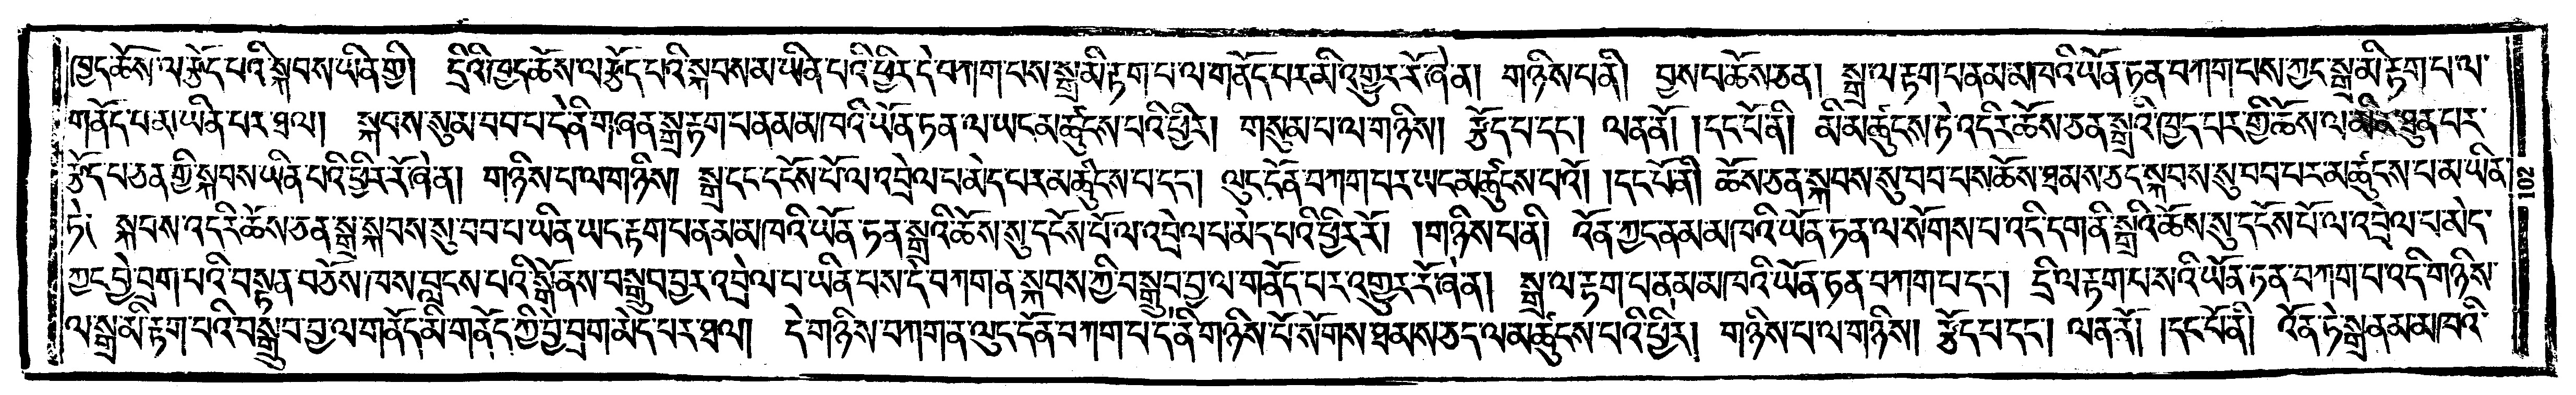ཁྱད་ཆོས་ལ་རྩོད་པའི་སྐབས་ཡིན་གྱི། དྲིའི་ཁྱད་ཆོས་ལ་རྩོད་པའི་སྐབས་མ་ཡིན་པའི་ཕྱིར་དེ་བཀག་པས་སྒྲ་མི་རྟག་པ་ལ་གནོད་པར་མི་འགྱུར་རོ་ཞེ་ན། གཉིས་པ་ནི། བྱས་པ་ཆོས་ཅན། སྒྲ་ལ་རྟག་པ་ནམ་མཁའི་ཡོན་ཏན་བཀག་པས་ཀྱང་སྒྲ་མི་རྟག་པ་ལ་
གནོད་པ་མ་ཡིན་པར་ཐལ། སྐབས་སུམ་བབ་པ་དེ་ནི་གཞན་སྒྲ་རྟག་པ་ནམ་མཁའི་ཡོན་ཏན་ལ་ཡང་མཚུངས་པའི་ཕྱིར། གསུམ་པ་ལ་གཉིས། རྩོད་པ་དང་། ལན་ནོ། །དང་པོ་ནི། མི་མཚུངས་ཏེ་འདིར་ཆོས་ཅན་སྒྲའི་ཁྱད་པར་གྱི་ཆོས་ལ་མིན་ཐུན་པར་
རྩོད་པ་ཅན་གྱི་སྐབས་ཡིན་པའི་ཕྱིར་རོ་ཞེ་ན། གཉིས་པ་ལ་གཉིས། སྒྲ་དང་དངོས་པོ་ལ་འབྲེལ་པ་མེད་པར་མཚུངས་པ་དང་། ལུང་དོན་བཀག་པར་ཡང་མཚུངས་པའོ། །དང་པོ་ནི། ཆོས་ཅན་སྐབས་སུ་བབ་པས་ཆོས་ཐམས་ཅད་སྐབས་སུ་བབ་པར་མཚུངས་པ་མ་ཡིན་
ཏེ༑ སྐབས་འདིར་ཆོས་ཅན་སྒྲ་སྐབས་སུ་བབ་པ་ཡིན་ཡང་རྟག་པ་ནམ་མཁའི་ཡོན་ཏན་སྒྲའི་ཆོས་སུ་དངོས་པོ་ལ་འབྲེལ་པ་མེད་པའི་ཕྱིར་རོ། །གཉིས་པ་ནི། འོན་ཀྱང་ནམ་མཁའི་ཡོན་ཏན་ལ་སོགས་པ་འདི་དག་ནི་སྒྲའི་ཆོས་སུ་དངོས་པོ་ལ་འབྲེལ་པ་མེད་
ཀྱང་བྱེ་བྲག་པའི་བསྟན་བཅོས་ཁས་བླངས་པའི་སྒོ་ནས་བསྒྲུབ་བྱར་འབྲེལ་པ་ཡིན་པས་དེ་བཀག་ན་སྐབས་ཀྱི་བསྒྲུབ་བྱ་ལ་གནོད་པར་འགྱུར་རོ་ཞེ་ན། སྒྲ་ལ་རྟག་པ་ནམ་མཁའི་ཡོན་ཏན་བཀག་པ་དང་། དྲི་ལ་རྟག་པ་སའི་ཡོན་ཏན་བཀག་པ་འདི་གཉིས་
ལ་སྒྲ་མི་རྟག་པའི་བསྒྲུབ་བྱ་ལ་གནོད་མི་གནོད་ཀྱི་བྱེ་བྲག་མེད་པར་ཐལ། དེ་གཉིས་བཀག་ན་ལུང་དོན་བཀག་པ་དེ་ནི་གཉིས་པོ་སོགས་ཐམས་ཅད་ལ་མཚུངས་པའི་ཕྱིར། གཉིས་པ་ལ་གཉིས། རྩོད་པ་དང་། ལན་ནོ། །དང་པོ་ནི། འོན་ཏེ་སྒྲ་ནམ་མཁའི་